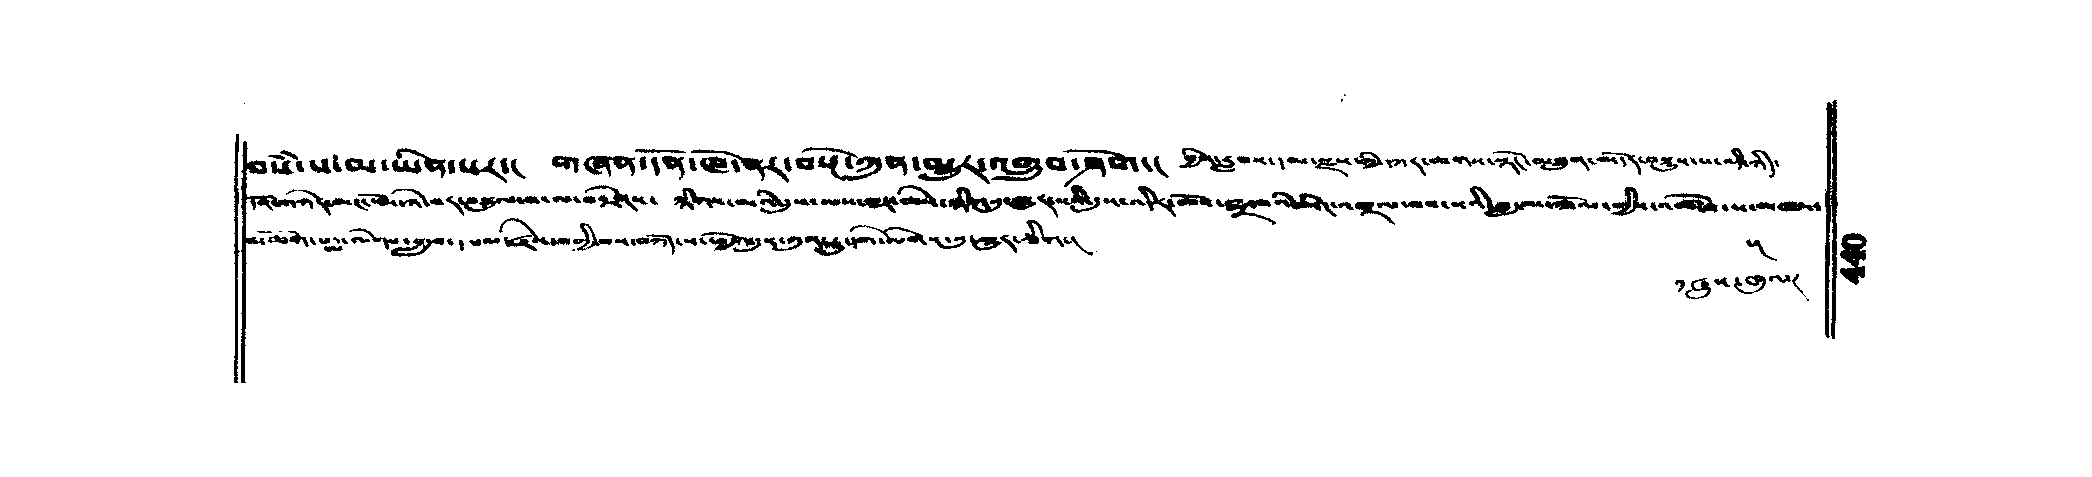བསམ་པ་མ་ཡིན་པར། །གཞན་དོན་ཁོ་ནར་བསྔོས་ཀུན་མྱུར་འགྲུབ་ཤོགབྱིན་རླབས་དམ་རྫས་ཀྱི་དཀར་ཆག་སྟོང་ཐུན་མདོར་བསྡུས་པ་འདི་ཉིད་
དོན་གཉེར་མང་པོས་ཉེ་བར་བསྐུུལ་པ་ལ་བརྟེན་ནས། སྙིགས་མའི་དུས་ལས་ཀྱང་ཆེས་སྙིགས་སུ་གྱུར་པའི་དུས་འདིར་ཆོས་སྨྲ་བའི་མིང་འཕྲལ་བབས་པའི་བླ་མ་དཀོར་གྱིས་འཚོ་བ་མཁས་
མཆོག་པདྨ་ལེགས་གྲུབ་རྩལ་ཞེས་བགྱི་བས་བཀོད་པ་ཕྱོགས་དུས་ཀུན་ཏུ་དགེ་ལེགས་སུ་གྱུར་ཅིག། དགེའོ།།.*